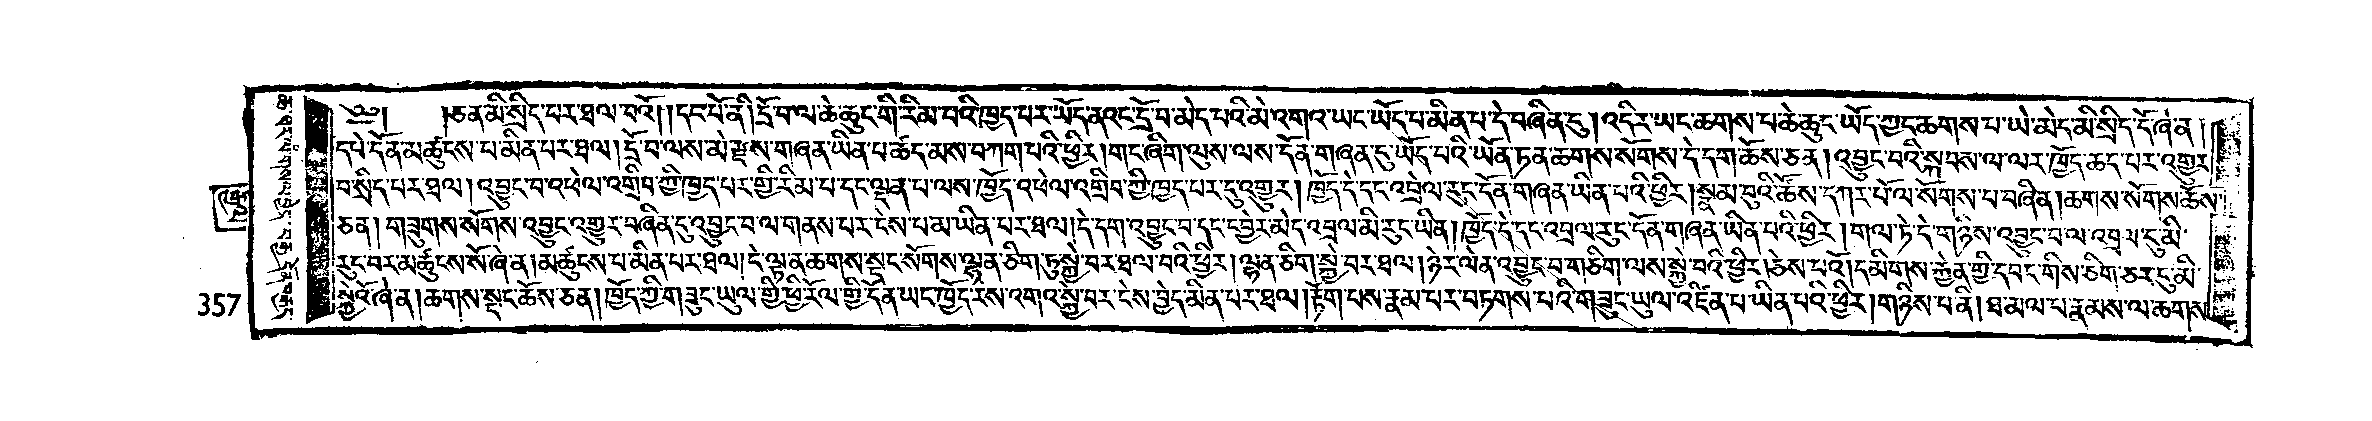༄༅། །ཅན་མི་སྲིད་པར་ཐལ་བའོ། །དང་པོ་ནི། དྲོ་བ་ལ་ཆེ་ཆུང་གི་རིམ་པའི་ཁྱད་པར་ཡོད་ནའང་དྲོ་བ་མེད་པའི་མེ་འགའ་ཡང་ཡོད་པ་མིན་པ་དེ་བཞིན་དུ། འདིར་ཡང་ཆགས་པ་ཆེ་ཆུང་ཡོད་ཀྱང་ཆགས་པ་ཡེ་མེད་མི་སྲིད་དོ་ཞེ་ན།
དཔེ་དོན་མཚུངས་པ་མིན་པར་ཐལ། དྲོ་བ་ལས་མེ་རྫས་གཞན་ཡིན་པ་ཚད་མས་བཀག་པའི་ཕྱིར། གང་ཞིག་ལུས་ལས་དོན་གཞན་དུ་ཡོད་པའི་ཡོན་ཏན་ཆགས་སོགས་དེ་དག་ཆོས་ཅན། འབྱུང་བའི་སྐབས་ལ་ལར་ཁྱོད་ཆད་པར་འགྱུར་
བ་སྲིད་པར་ཐལ། འབྱུང་བ་འཕེལ་འགྲིབ་ཀྱི་ཁྱད་པར་གྱི་རིམ་པ་དང་ལྡན་པ་ལས་ཁྱོད་འཕེལ་འགྲིབ་ཀྱི་ཁྱད་པར་དུ་འགྱུར། ཁྱོད་དེ་དན་འབྲེལ་རུང་དོན་གཞན་ཡིན་པའི་ཕྱིར། སྣམ་བུའི་ཚོས་དཀར་པོ་ལ་སོགས་པ་བཞིན། ཆགས་སོགས་ཆོས་
ཅན། གཟུགས་སོགས་འབྱུང་འགྱུར་བཞིན་དུ་འབྱུང་བ་ལ་གནས་པར་ངེས་པ་མ་ཡིན་པར་ཐལ། དེ་དག་འབྱུང་བ་དང་དབྱེར་མེད་འབྲལ་མི་རུང་ཡིན། ཁྱོད་དེ་དང་འབྲལ་རུང་དོན་གཞན་ཡིན་པའི་ཕྱིར། གལ་ཏེ་དེ་གཉིས་འབྱུང་བ་ལ་འབྲལ་དུ་མི་
རུང་བར་མཚུངས་སོ་ཞེ་ན། མཚུངས་པ་མིན་པར་ཐལ། དེ་ལྟ་ན་ཆགས་སྡང་སོགས་ལྷན་ཅིག་ཏུ་སྐྱེ་བར་ཐལ་བའི་ཕྱིར། ལྷན་ཅིག་སྐྱེ་བར་ཐལ། ཉེར་ལེན་འབྱུང་བ་གཅིག་ལས་སྐྱེ་བའི་ཕྱིར། ཅེས་པའོ། དམིགས་རྐྱེན་གྱི་དབང་གིས་ཅིག་ཅར་དུ་མི་
སྐྱེའོ་ཞེ་ན། ཆགས་སྡང་ཆོས་ཅན། ཁྱོད་ཀྱི་གཟུང་ཡུལ་གྱི་ཕྱི་རོལ་གྱི་དོན་ཡང་ཁྱོད་རེས་འགའ་སྐྱེ་བར་ངེས་བྱེད་མིན་པར་ཐལ། རྟོག་པས་རྣམ་པར་བཏགས་པའི་གཟུང་ཡུལ་འཛིན་པ་ཡིན་པའི་ཕྱིར། གཉིས་པ་ནི། ཐ་མལ་པ་རྣམས་ལ་ཆགས་